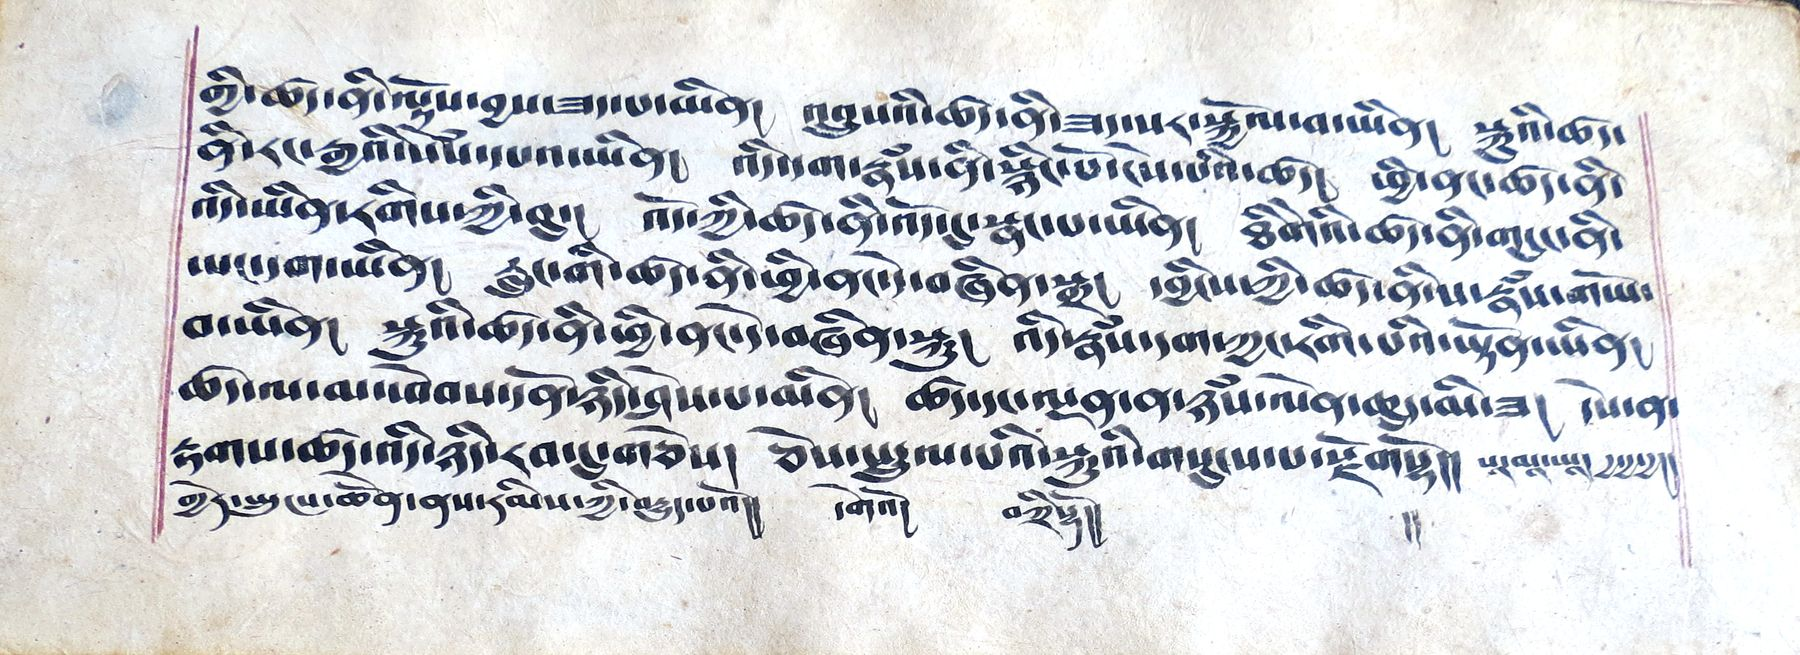གྱི་ཚད་ནི་ལྟོས་བྱས་ཟད་པ་ཡིན། ༼གདོས་བཅས་ནུབ་ན་ཡིན། དཔེ་གཞན་ལ༽ འབྲས་བུ་ཚད་ནི་ཟད་སར་སྐྱོལ་ན་ཡིན། སྐུའི་ཚད་
ནི་རང་རྐྱའི་སེམས་དཔའ་ཡིན། འདི་དག་རྣམས་ནི་སྙིང་པོ་ངེས་པའི་ཚད། ཕྱི་ནང་ཚད་ནི་
འདི་ཡིན། རིགས་ཀྱི་བུ། འོད་ཀྱི་ཚད་ནི་འོད་དུ་སྣང་ན་ཡིན། ཐིག་ལེའི་ཚད་ནི་གདུང་ནི་
ཡང་དག་ཡིན། རླུང་གི་ཚད་ནི་ཕྱི་ནང་དེ་བཞིན་སྒྲ། དབྱིངས་ཀྱི་ཚད་ནི་ས་རྣམས་གཡོ་
བ་ཡིན། སྐུའི་ཚད་ནི་ཕྱི་ནང་དེ་བཞིན་སྐུ། འདི་རྣམས་དག་ཀྱང་རིག་པའི་ཡོན་ཏན་ཡིན། 
ཚད་ལ་མ་ཕེབས་དོན་ཉིད་ཤེས་པ་མིན། ཚད་དང་ལྡན་པས་ཉམས་ལེན་ཆུད་མི་ཟ། དེས་ན་
རྟགས་ཚད་འདི་ཉིད་རབ་ཏུ་གཅེས། ཞེས་སྤྲུལ་པའི་སྐུས་གསུངས་པ་རྫོགས་སོ། །ས་མ་ཡ། རྒྱ་རྒྱ་རྒྱ། 
གྱེར་སྤུངས་ཆེན་པོ་ནས་རིམ་བཞིན་བརྒྱུད་པའོ། །དགེའོ། བཀྲ་ཤིས་སོ། །